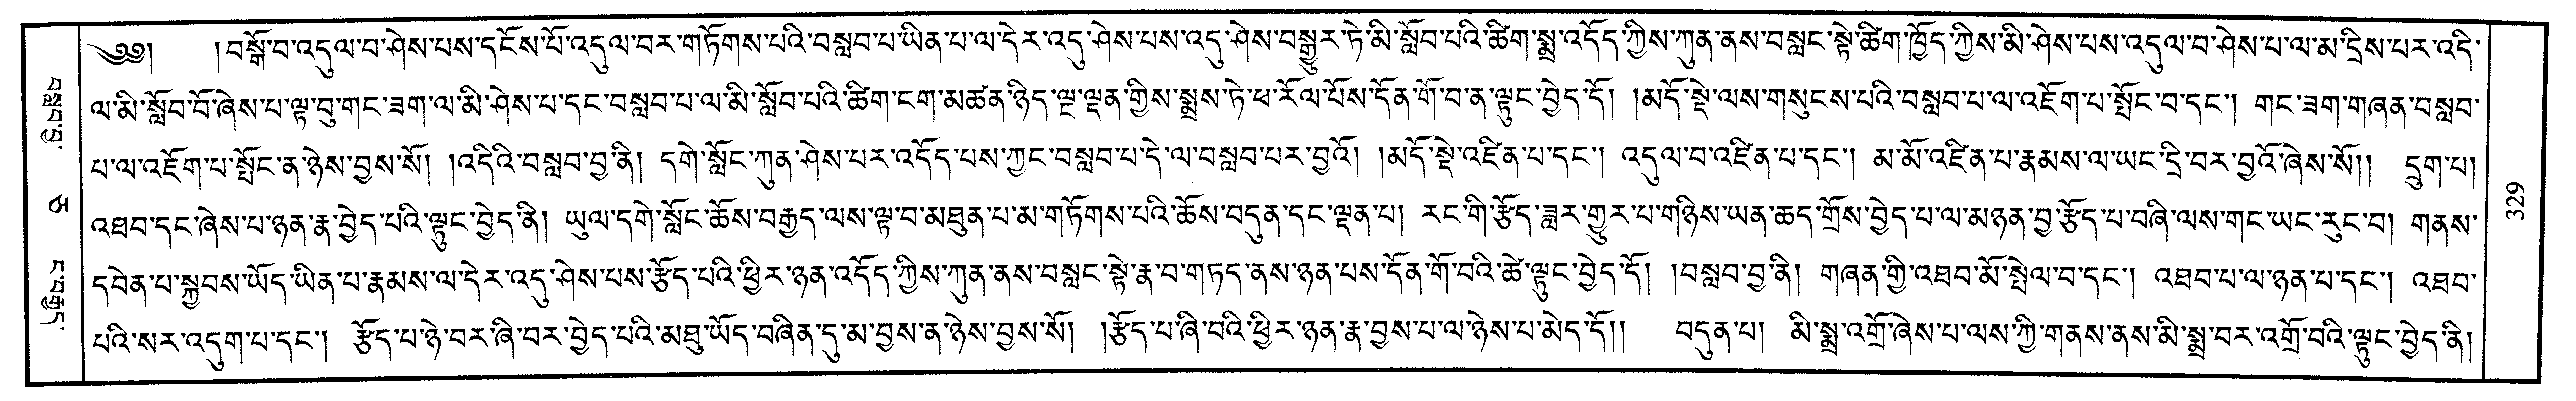༄༅། །བསྒོ་བ་འདུལ་བ་ཤེས་པས་དངོས་པོ་འདུལ་བར་གཏོགས་པའི་བསླབ་པ་ཡིན་པ་ལ་དེར་འདུ་ཤེས་པས་འདུ་ཤེས་བསྒྱུར་ཏེ་མི་སློབ་པའི་ཚིག་སྨྲ་འདོད་ཀྱིས་ཀུན་ནས་བསླང་སྟེ་ཚིག་ཁྱོད་ཀྱིས་མི་ཤེས་པས་འདུལ་བ་ཤེས་པ་ལ་མ་དྲིས་པར་འདི་
ལ་མི་སློབ་བོ་ཞེས་པ་ལྟ་བུ་གང་ཟག་ལ་མི་ཤེས་པ་དང་བསླབ་པ་ལ་མི་སློབ་པའི་ཚིག་ངག་མཚན་ཉིད་ལྔ་ལྡན་གྱིས་སྨྲས་ཏེ་ཕ་རོལ་པོས་དོན་གོ་བ་ན་ལྟུང་བྱེད་དོ། །མདོ་སྡེ་ལས་གསུངས་པའི་བསླབ་པ་ལ་འཇོག་པ་སྤོང་བ་དང་། གང་ཟག་གཞན་བསླབ་
པ་ལ་འཇོག་པ་སྤོང་ན་ཉེས་བྱས་སོ། །འདིའི་བསླབ་བྱ་ནི། དགེ་སློང་ཀུན་ཤེས་པར་འདོད་པས་ཀྱང་བསླབ་པ་དེ་ལ་བསླབ་པར་བྱའོ། །མདོ་སྡེ་འཛིན་པ་དང་། འདུལ་བ་འཛིན་པ་དང་། མ་མོ་འཛིན་པ་རྣམས་ལ་ཡང་དྲི་བར་བྱའོ་ཞེས་སོ།། དྲུག་པ།
འཐབ་དང་ཞེས་པ་ཉན་རྣ་བྱེད་པའི་ལྟུང་བྱེད་ནི། ཡུལ་དགེ་སློང་ཆོས་བརྒྱད་ལས་ལྟ་བ་མཐུན་པ་མ་གཏོགས་པའི་ཆོས་བདུན་དང་ལྡན་པ། རང་གི་རྩོད་ཟླར་གྱུར་པ་གཉིས་ཡན་ཆད་གྲོས་བྱེད་པ་ལ་མཉན་བྱ་རྩོད་པ་བཞི་ལས་གང་ཡང་རུང་བ། གནས་
དབེན་པ་སྐྱབས་ཡོད་ཡིན་པ་རྣམས་ལ་དེར་འདུ་ཤེས་པས་རྩོད་པའི་ཕྱིར་ཉན་འདོད་ཀྱིས་ཀུན་ནས་བསླང་སྟེ་རྣ་བ་གཏད་ནས་ཉན་པས་དོན་གོ་བའི་ཚེ་ལྟུང་བྱེད་དོ། །བསླབ་བྱ་ནི། གཞན་གྱི་འཐབ་མོ་སྤེལ་བ་དང་། འཐབ་པ་ལ་ཉན་པ་དང་། འཐབ་
པའི་སར་འདུག་པ་དང་། རྩོད་པ་ཉེ་བར་ཞི་བར་བྱེད་པའི་མཐུ་ཡོད་བཞིན་དུ་མ་བྱས་ན་ཉེས་བྱས་སོ། །རྩོད་པ་ཞི་བའི་ཕྱིར་ཉན་རྣ་བྱས་པ་ལ་ཉེས་པ་མེད་དོ།། བདུན་པ། མི་སྨྲ་འགྲོ་ཞེས་པ་ལས་ཀྱི་གནས་ནས་མི་སྨྲ་བར་འགྲོ་བའི་ལྟུང་བྱེད་ནི།